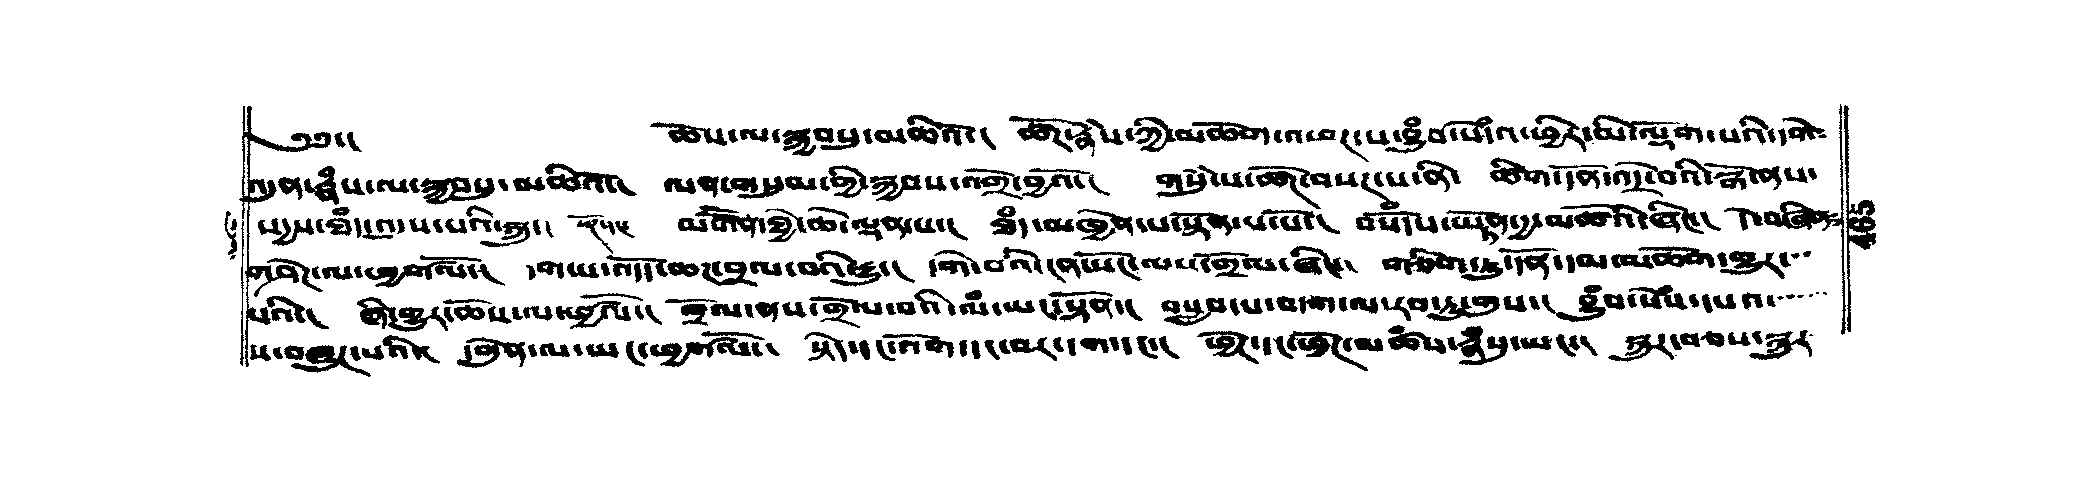ཆོས་ལ་སྐྱབས་སུ་མཆིའོ། ཚོགས་རྣམས་ཀྱི་མཆོག་འཕགས་པ་བྱང་ཆུབ་སེམས་དཔའ་ཕྱིར་མི་ལྡོག་པའི་དགེ་
འདུན་རྣམས་ལ་སྐྱབས་སུ་མཆིའོ། ལན་གསུམ་གྱི་སྐྱབས་འགྲོ་བྱའོ། གསུམ་པ་ཚོགས་བསགས་པ་ནི། ཚིག་དོན་འདྲེ་བའི་སྒོ་ནས། 
སངས་རྒྱས་ཐམས་ཅད་འདུས་པའི་སྐུ། 1$0000180སོགས་དང་།1$1000180 1$00001801$1000180 ། མགོན་པོ་ཐུགས་ཆེ་ལྡན་པ། །ཐམས་ཅད་མཁྱེན་པའི་སྟོན་པ་པོ། །བསོད་ནམས་ཡོན་ཏན་རྒྱ་མཚོའི་ཞིང་། །བདེ་བཞིན་
བཤེགས་ལ་ཕྱག་འཚལ་ལོ། །དག་པ་འདོད་ཆགས་བྲལ་བའི་རྒྱུ། །དགེ་བའི་ངན་སོང་ལས་གྲོལ་ཞིང་། །གཅིག་ཏུ་དོན་དམ་མཆོག་གྱུར་
པའི། །ཞི་གྱུར་ཆོས་ལ་ཕྱག་འཚལ་ལོ། །གྲོལ་ནས་གྲོལ་བའི་ལམ་ཡང་སྟོན། །བསླབ་པ་དག་ལ་རབ་ཏུ་གུས། །བྱང་ཆུབ་སེམས་དཔའ་
ས་བཞུགས་པའི། །དགེ་འདུན་ལ་ཡང་ཕྱག་འཚལ་ལོ། །སྟེང་དང་འོག་དང་བར་དག་དང་། །ཕྱོགས་དང་ཕྱོགས་མཚམས་སུ་ཡང་། །སྐུར་བཅས་སྐུར་